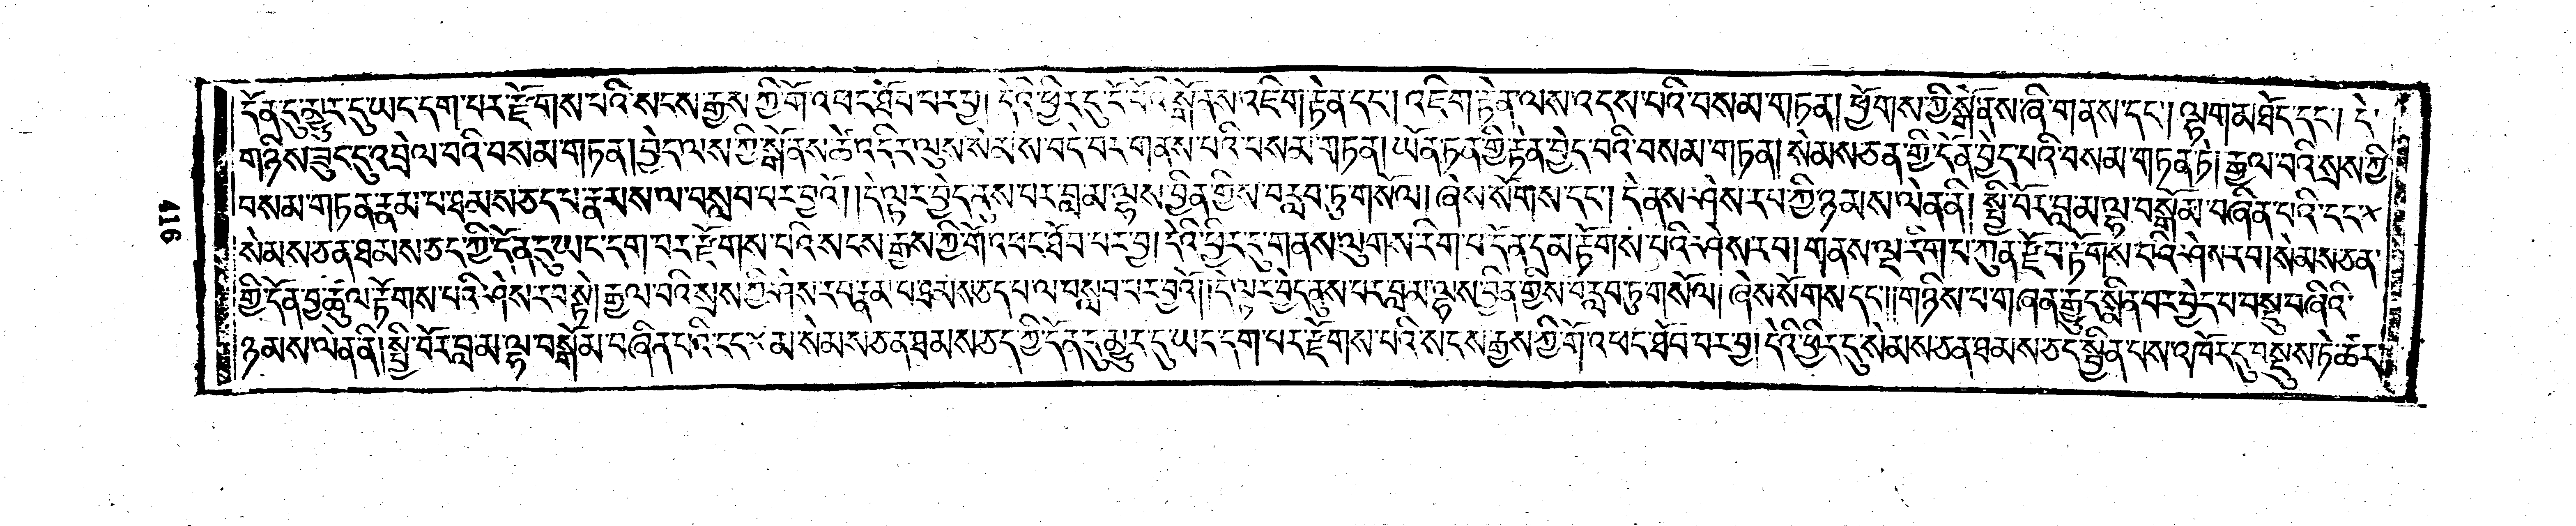དོན་དུ་མྱུར་དུ་ཡང་དག་པར་རྫོགས་པའི་སངས་རྒྱས་ཀྱི་གོ་འཕང་ཐོབ་པར་བྱ། དེའི་ཕྱིར་དུ་ངོ་བོའི་སྒོ་ནས་འཇིག་རྟེན་དང་། འཇིག་རྟེན་ལས་འདས་པའི་བསམ་གཏན། ཕྱོགས་ཀྱི་སྒོ་ནས་ཞི་གནས་དང་། ལྷག་མཐོང་དང་། དེ་
གཉིས་ཟུང་དུ་འབྲེལ་བའི་བསམ་གཏན། བྱེད་ལས་ཀྱི་སྒོ་ནས་ཚེ་འདིར་ལུས་སེམས་བདེ་བར་གནས་པའི་བསམ་གཏན། ཡོན་ཏན་གྱི་རྟེན་བྱེད་པའི་བསམ་གཏན། སེམས་ཅན་གྱི་དོན་བྱེད་པའི་བསམ་གཏན་ཏེ། རྒྱལ་བའི་སྲས་ཀྱི་
བསམ་གཏན་རྣམ་པ་ཐམས་ཅད་པ་རྣམས་ལ་བསླབ་པར་བྱའོ། །དེ་ལྟར་བྱེད་ནུས་པར་བླ་མ་ལྷས་བྱིན་གྱིས་བརླབ་ཏུ་གསོལ། ཞེས་སོགས་དང་། དེ་ནས་ཤེས་རབ་ཀྱི་ཉམས་ལེན་ནི། སྤྱི་བོར་བླ་མ་ལྷ་བསྒོམ་བཞིན་པའི་ངང་྾་
སེམས་ཅན་ཐམས་ཅད་ཀྱི་དོན་དུ་ཡང་དག་པར་རྫོགས་པའི་སངས་རྒྱས་ཀྱི་གོ་འཕང་ཐོབ་པར་བྱ། དེའི་ཕྱིར་དུ་གནས་ལུགས་རིག་པ་དོན་དམ་རྟོགས་པའི་ཤེས་རབ། གནས་ལྔ་རིག་པ་ཀུན་རྫོབ་རྟོགས་པའི་ཤེས་རབ། སེམས་ཅན་
གྱི་དོན་བྱ་ཚུལ་རྟོགས་པའི་ཤེས་རབ་སྟེ། རྒྱལ་བའི་སྲས་ཀྱི་ཤེས་རབ་རྣམ་པ་ཐམས་ཅད་པ་ལ་བསླབ་པར་བྱའོ། །དེ་ལྟར་བྱེད་ནུས་པར་བླ་མ་ལྷས་བྱིན་གྱིས་བརླབ་ཏུ་གསོལ། ཞེས་སོགས་དང་། །གཉིས་པ་གཞན་རྒྱུད་སྨིན་པར་བྱེད་པ་བསྡུ་བཞིའི་
ཉམས་ལེན་ནི། སྤྱི་བོར་བླ་མ་ལྷ་བསྒོམ་བཞིན་པའི་ངང་྾་མ་སེམས་ཅན་ཐམས་ཅད་ཀྱི་དོན་དུ་མྱུར་དུ་ཡང་དག་པར་རྫོགས་པའི་སངས་རྒྱས་ཀྱི་གོ་འཕང་ཐོབ་པར་བྱ། དེའི་ཕྱིར་དུ་སེམས་ཅན་ཐམས་ཅད་སྦྱིན་པས་འཁོར་དུ་བསྡུས་ཏེ་ཚར་